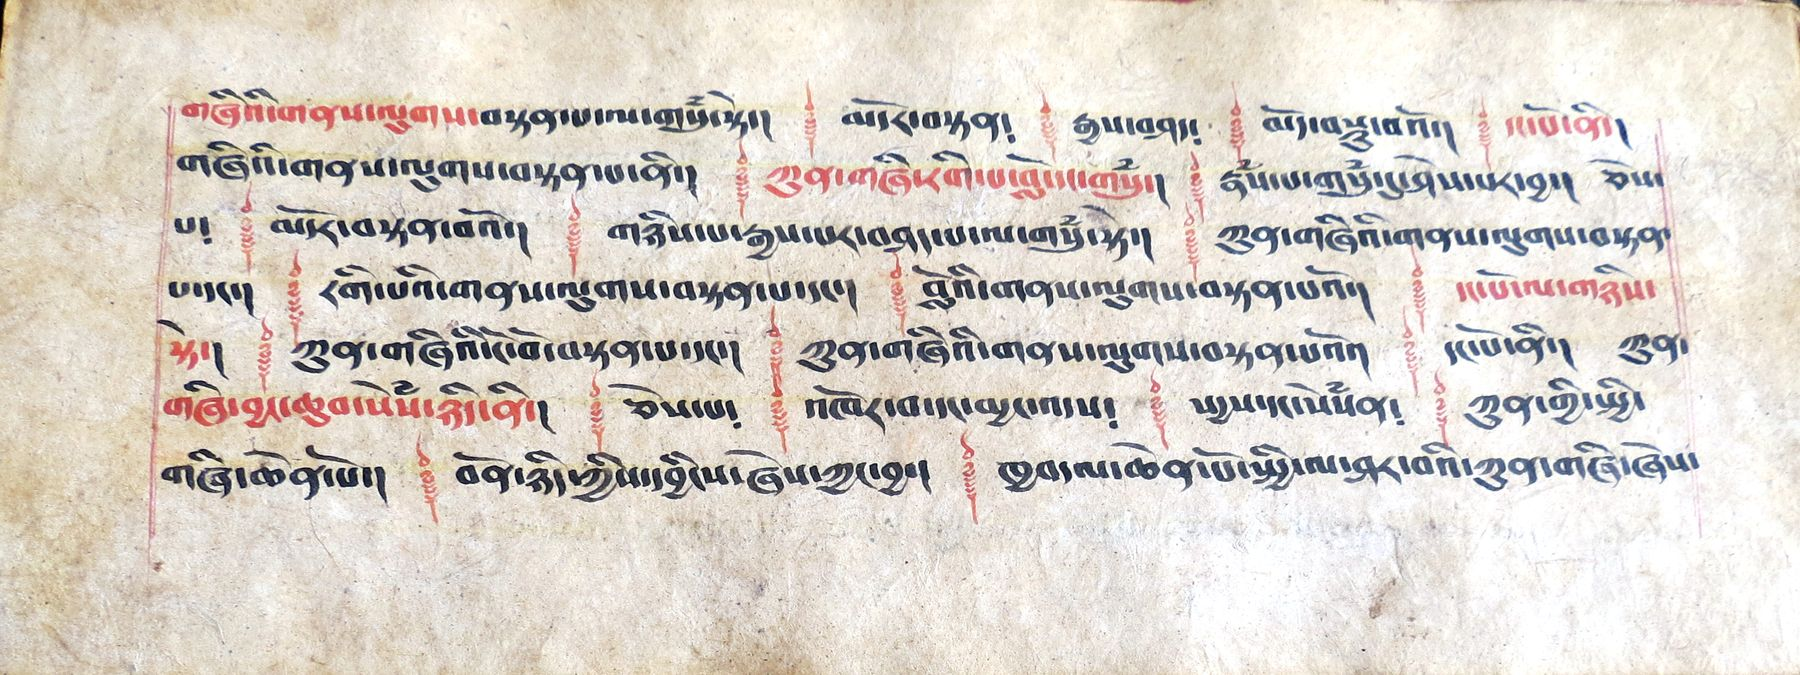གཞིའི་གནས་ལུགས་བསྟན་པ་ལ་གསུམ་སྟེ། མདོར་བསྟན། རྒྱས་བཤད། མདོ་བསྡུ་བའོ། །དང་པོ་ནི། 
གཞིའི་གནས་ལུགས་བསྟན་པ་ནི། ཀུན་གཞི་རིག་པ་བློ་དང་གསུམ། རྣམ་པ་གསུམ་དུ་ཤེས་པར་བྱ། ཅེས།
 པ། མདོར་བསྟན་པའོ། །གཉིས་པ་རྒྱས་པར་བཤད་པ་ལ་གསུམ་སྟེ། ཀུན་གཞིའི་གནས་ལུགས་བསྟན་
པ་དང་། རིག་པའི་གནས་ལུགས་བསྟན་པ་དང་། བློའི་གནས་ལུགས་བསྟན་པའོ། །དང་པོ་ལ་གཉིས་
ཏེ། ཀུན་གཞིའི་ངོ་བོ་བསྟན་པ་དང་། ཀུན་གཞིའི་གནས་ལུགས་བསྟན་པའོ། ། ཀ༽ དང་པོ་ནི། ཀུན་
གཞི་བྱང་ཆུབ་སེམས་ཉིད་ནི་ཞེས་པས། འཁོར་བ་དང་མྱང་འདས། སངས་རྒྱས་སེམས་ཅན་ཀུན་གྱི་སྤྱི་
གཞི་ཆེན་པོ། བོན་ཉིད་ཀྱི་དབྱིངས་ཞེས་ཀྱང་བྱ། ཁྱབ་བདལ་ཆེན་པོ་སྤྱི་ལ་ཤར་བའི་ཀུན་གཞི་ཞེས་